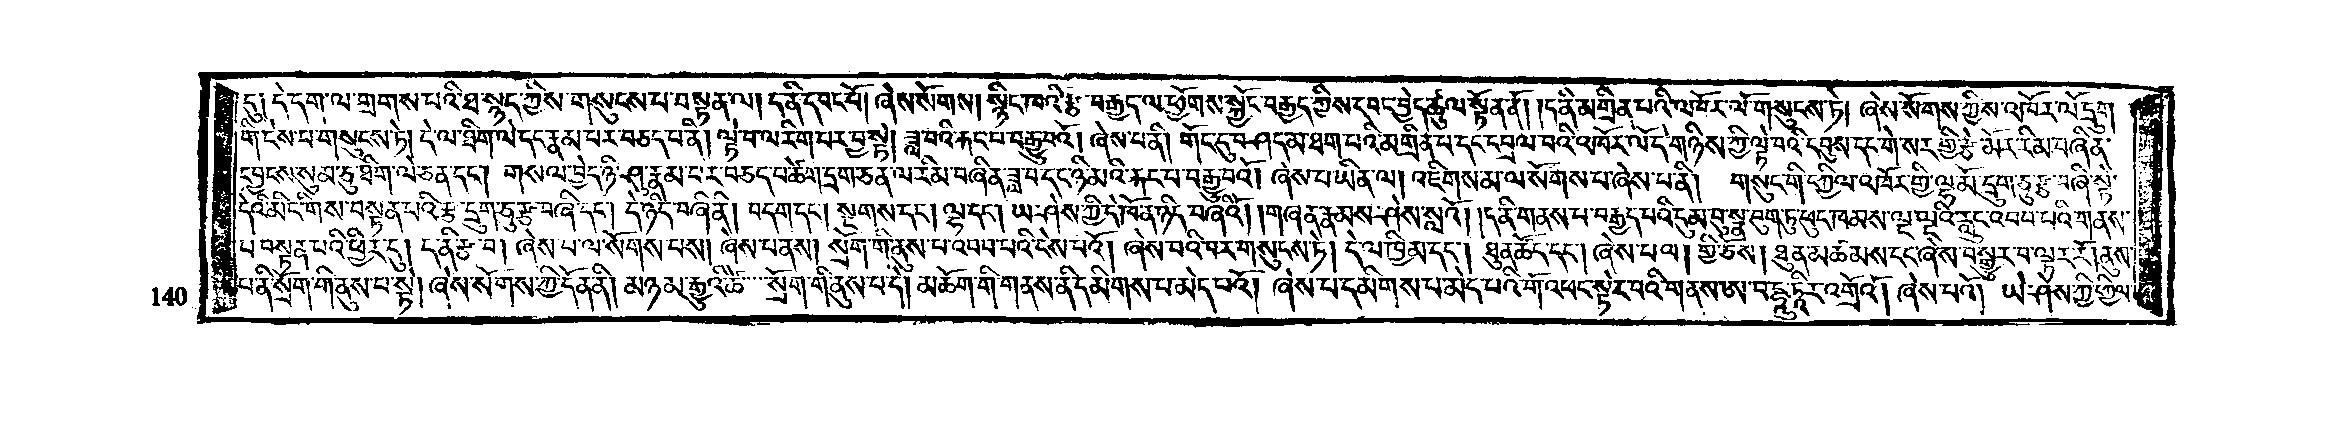དུ། དེ་དག་ལ་གྲགས་པའི་ཐ་སྙད་ཀྱིས་གསུངས་པ་བསྟན་ལ། ད་ནི་དབང་པོ། ཞེས་སོགས། སྙིང་ཁའི་རྩ་བརྒྱད་ལ་ཕྱོགས་སྐྱོང་བརྒྱད་ཀྱིས་དབང་བྱེད་ཚུལ་སྟོན་ནོ། །ད་ནི་མགྲིན་པའི་འཁོར་ལོ་གསུངས་ཏེ། ཞེས་སོགས་ཀྱིས་འཁོར་ལོ་དྲུག་
གི་ངེས་པ་གསུངས་ཏེ། དེ་ལ་ཐིག་ལེ་དང་རྣམ་པར་བཅད་པ་ནི། ལྟེ་བ་ལ་རིག་པར་བྱ་སྟེ། ཟླ་བའི་རྐང་པ་བརྒྱུ་བའོ། ཞེས་པ་ནི། གོང་དུ་བཤད་མ་ཐག་པའི་མགྲིན་པ་དང་དཔྲལ་བའི་འཁོར་ལོ་དེ་གཉིས་ཀྱི་ལྟེ་བའི་དབུས་དང་གེ་སར་གྱི་རྩེ་མོར་རིམ་བཞིན་
དབྱངས་སུམ་ཅུ་ཐིག་ལེ་ཅན་དང་། གསལ་བྱེད་ཉི་ཤུ་རྣམ་པར་བཅད་པ་ཚེག་དྲག་ཅན་ལ་རིམ་བཞིན་ཟླ་བ་དང་ཉི་མའི་རྐང་པ་བརྒྱུ་བའོ། ཞེས་པ་ཡིན་ལ། འཇིགས་མ་ལ་སོགས་པ་ཞེས་པ་ནི། གསུང་གི་དཀྱིལ་འཁོར་གྱི་ལྷ་མོ་དྲུག་ཅུ་རྩ་བཞི་སྟེ་
དེའི་མིང་གིས་བསྟན་པའི་རྩ་དྲུག་ཅུ་རྩ་བཞི་དང་། དེ་ཉིད་བཞི་ནི། བདག་དང་། སྔགས་དང་། ལྷ་དང་། ཡེ་ཤེས་ཀྱི་དེ་ཁོ་ན་ཉིད་བཞིའོ། །གཞན་རྣམས་ཤེས་སླའོ། །ད་ནི་གནས་པ་བརྒྱད་པའི་དུམ་བུ་སྣ་བུག་ཏུ་ཕུང་ཁམས་ལྔ་ལྔའི་རླུང་འབབ་པའི་གནས་
པ་བསྟན་པའི་ཕྱིར་དུ། ད་ནི་རྩ་བ། ཞེས་པ་ལ་སོགས་པས། ཞེས་པ་ནས། སྲོག་གི་ནུས་པ་འབབ་པའི་ངེས་པའོ། ཞེས་པའི་བར་གསུངས་ཏེ། དེ་ལ་ཁྱིམ་དང་། ཐུན་ཚོད་དང་། ཞེས་པ་ལ། གྱི་ཅོས། ཐུན་མཚམས་དང་ཞེས་བསྒྱུར་བ་ལྟར་རོ། ནུས་
པ་ནི་སྲོག་གི་ནུས་པ་སྟེ། ཞེས་སོགས་ཀྱི་དོན་ནི། མཉམ་རྒྱུའི་ཚེ་སྲོག་གི་ནུས་པ་དེ། མཆོག་གི་གནས་ནི་དམིགས་པ་མེད་པའོ། ཞེས་པ་དམིགས་པ་མེད་པའི་གོ་འཕང་སྟེར་བའི་གནས་ཨ་བ་དྷཱུ་ཏཱིར་འགྲོའོ། ཞེས་པའོ། ཡེ་ཤེས་ཀྱི་དཀྱིལ་